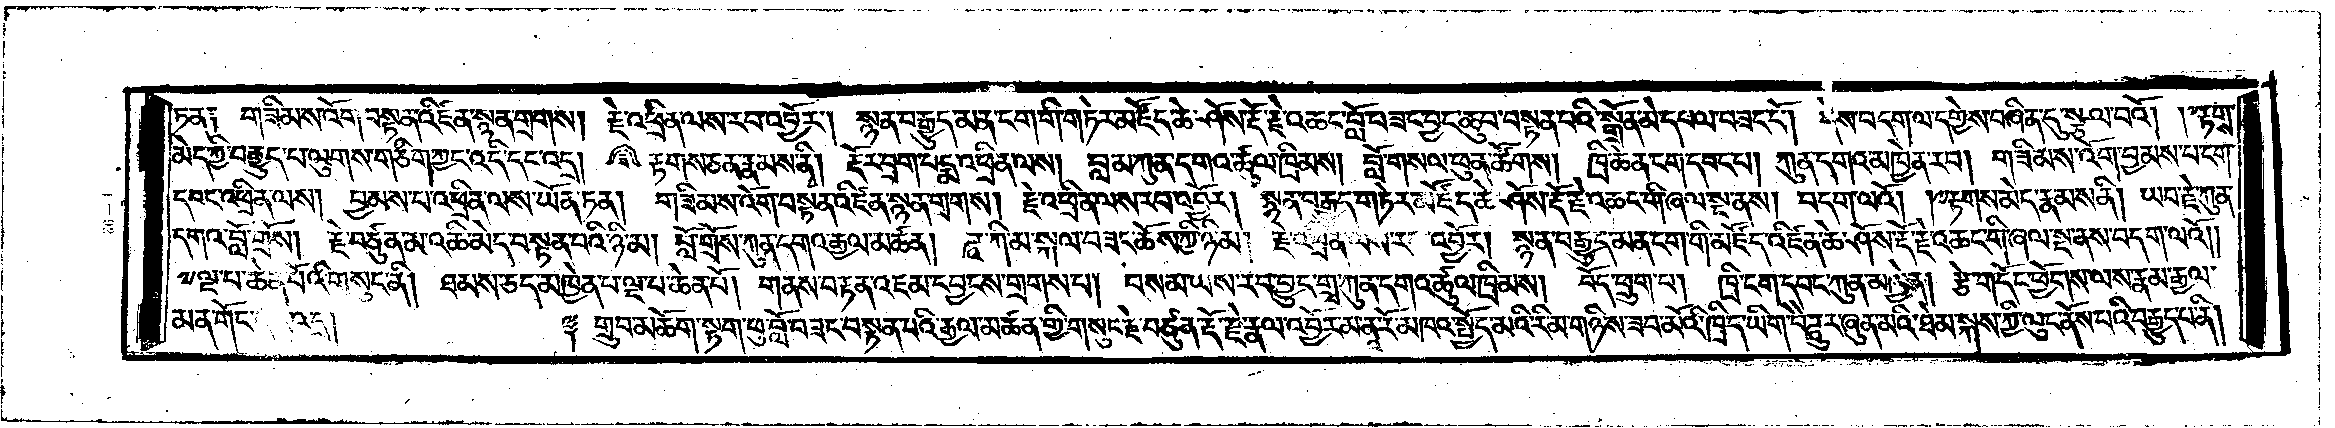ཏན༑ གཟིམས་འོག་བསྟན་འཛིན་སྙན་གྲགས། རྗེ་འཕྲིན་ལས་རབ་འབྱོར། སྙན་བརྒྱུད་མན་ངག་གི་གཏེར་མཛོད་ཆེ་ཤོས་རྡོ་རྗེ་འཆང་བློ་བཟང་བྱང་ཆུབ་བསྟན་པའི་སྒྲོན་མེ་དཔལ་བཟང་ངོ། ཤེས་བདག་ལ་དགྱེས་བཞིན་དུ་སྩལ་བའོ། །རྟགས་
མེད་ཀྱི་བརྒྱུད་པ་ལུགས་གཅིག་ཀྱང་འདི་དང་འདྲ། ༼༽ཟ྄་རྟགས་ཅན་རྣམས་ནྭི། རྡོར་བྲག་པདམ་འཕྲིན་ལས། བླ་མ་ཀུན་དགའ་ཚུལ་ཁྲིམས། བློ་གསལ་ཕུན་ཚོགས། ཁྲི་ཆེན་ངག་དབང་པ། ཀུན་དགའ་མཁྱེན་རབ། གཟིམས་འོག་བྱམས་པ་ངག་
དབང་འཕྲིན་ལས། བྱམས་པ་འཕྲིན་ལས་ཡོན་ཏན། གཟིམས་འོག་བསྟན་འཛིན་སྙན་གྲགས། རྗེ་འཕྲིན་ལས་རབ་འབྱོར། སྙན་བརྒྱུད་གཏེར་མཛོད་ཆེ་ཤོས་རྡོ་རྗེ་འཆང་གི་ཞལ་སྔ་ནས། བདག་ལའོ། །༧རྟགས་མེད་རྣམས་ནི། ཡབ་རྗེ་ཀུན་
དགའ་བློ་གྲོས། རྗེ་བཙུན་མ་འཆི་མེད་བསྟན་པའི་ཉི་མ། བློ་གྲོས་ཀུན་དགའ་རྒྱལ་མཚན། ཌཱ་ཀི་མ་སྐལ་བཟང་ཆོས་ཀྱི་ཉི་མ། རྗེ་འཕྲིན་ལས་རབ་འབྱོར། སྙན་བརྒྱུད་མན་ངག་གི་མཛོད་འཛིན་ཆེ་ཤོས་རྡོ་རྗེ་འཆང་གི་ཞལ་སྔ་ནས་བདག་ལའོ།།
༧ལྔ་པ་ཆེན་པོའི་གསུང་ནི། ཐམས་ཅད་མཁྱེན་པ་ལྔ་པ་ཆེན་པོ། གནས་བརྟན་འཇམ་དབྱངས་གྲགས་པ། བསམ་ཡས་རབ་བྱུང་གྲྭ་ཀུན་དགའ་ཚུལ་ཁྲིམས། བོད་ཕྲུག་པ། ཁྲི་ངག་དབང་ཀུན་མཁྱེན། རྩེ་གདོང་ཕྱོགས་ལས་རྣམ་རྒྱལ་
མན་གོང་དང་འདྲ། འ་གྲུབ་མཆོག་སྟག་ཕུ་བློ་བཟང་བསྟན་པའི་རྒྱལ་མཚན་གྱི་གསུང་རྗེ་བཙུན་རྡོ་རྗེ་རྣལ་འབྱོར་མ་ནཱ་རོ་མཁའ་སྤྱོད་མའི་རིམ་གཉིས་ཟབ་མོའི་ཁྲིད་ཡིག་བཻཌཱུར་ཞུན་མའི་ཐེམ་སྐས་ཀྱི་ལུང་ནོས་པའི་བརྒྱུད་པ་ནི།